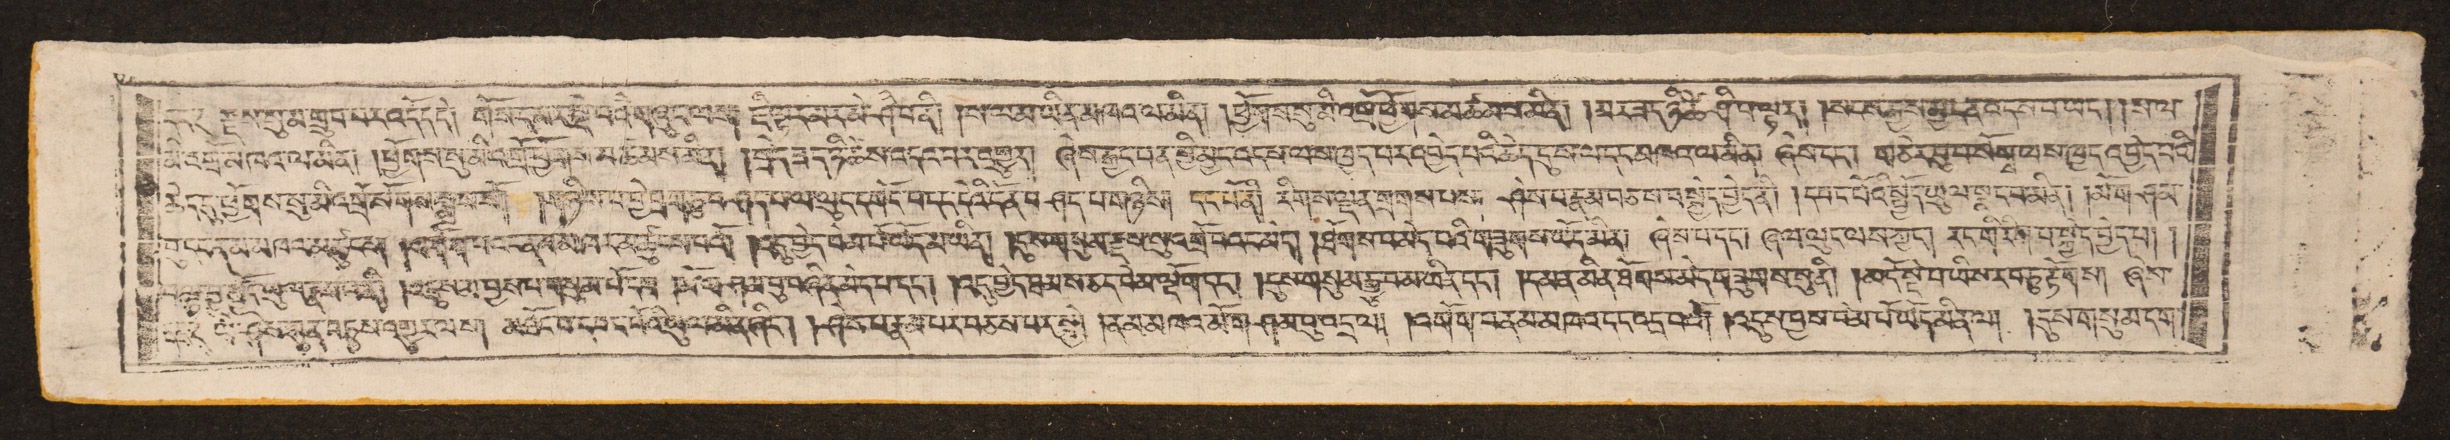དང༑ རྫས་སུམ་གྲུབ་པར་འདོད་དེ། གོས་དམར་སྡེ་པའི་གཞུང་ལས། ཇི་ལྟར་མར་མེ་ཤི་བ་ནི། །ས་ལ་མ་ཡིན་མཁའ་ལ་མིན༑ །ཕྱོགས་སུ་མི་འགྲོ་ཕྱོགས་མཚམས་མིན། །མར་ཟད་ཉི་ཚེ་ཤི་བ་ལྟར། །སངས་རྒྱས་མྱ་ངན་འདས་པ་ཡང་། །ས་ལ་
མི་འགྲོ་མཁའ་ལ་མིན༑ །ཕྱོགས་སུ་མི་འགྲོ་ཕྱོགས་མཚམས་མིན། །སྲེད་ཟད་ཉི་ཚེས་འདའ་བར་འགྱུར། ཞེས་རྒྱང་པན་གྱི་མྱང་འདས་ལས་ཁྱད་པར་འབྱེད་པའི་ཆེད་དུས་ལ་དང་མཁའ་ལ་མིན། ཞེས་དང་། གཅེར་བུ་པ་སོགས་ལས་ཁྱད་འབྱེད་པའི་
ཆེད་དུ་ཕྱོགས་སུ་མི་འགྲོ་སོགས་སྨྲས་སོ། །གཉིས་པ་བྱེ་བྲག་ཏུ་བཤད་པ་ལ་ལུང་དགོང་བ་དང་དེའི་དོན་བཤད་པ་གཉིས། དང་པོ་ནི། རིགས་ལྡན་གྲགས་པས། ཤེས་བ་རྣམ་བཅས་བསྐྱེད་བྱེད་ནི། །དབང་པོའི་སྤྱོད་ཡུལ་སྣང་བ་མིན། །མོ་གཤམ་
བུ་དང་ནམ་མཁའ་མཚུངས། །འགོག་པའང་ནམ་མཁར་མཚུངས་པའོ། །འདུ་བྱེད་བེམ་པོ་ཡོད་མ་ཡིན། །དུས་གསུམ་རྫས་སུ་འགྲོ་བའང་མེད། །ཐོགས་བ་མེད་པའི་གཟུགས་ཡོད་མིན། ཞེས་པ་དང་། ཞལ་ལུང་ལས་ཀྱང་། རང་གི་རིག་བ་སྐྱེད་བྱེད་པ།།
བལྟ་བྱ་སྤྱོད་ཡུལ་རྣམ་པ་ནི། །འདུས་མ་བྱས་པ་གསུམ་པོ་དག །མོ་གཤམ་བུ་བཞིན་མེད་པ་དང་། །འདུ་བྱེད་ཐམས་ཅད་བེམ་ལྡོག་དང་། །དུས་གསུམ་རྒྱུ་བམ་ཡིན་དང་། །དམན་མིན་ཐོགས་མེད་གཟུགས་སུ་ནི། །མདོ་སྡེ་པ་ཡིས་རབ་ཏུ་རྟོགས། ཞེས་
དང༑ ཡེ་ཤེས་ཀུན་བཏུས་འགྱུར་ལས། མཐོང་བ་དབང་པོའི་ཡུལ་མིན་ཞིང་། །ཤེས་པ་རྣམ་པར་བཅས་པར་སྐྱེ། །ནམ་མཁའ་མོ་གཤམ་བུ་འདྲ་ལ། །འགོག་པ་ནམ་མཁའ་དང་འདྲ་བའོ། །འདུས་བྱས་བེམ་པོ་ཡོད་མིན་ལ། །དུས་གསུམ་དག་